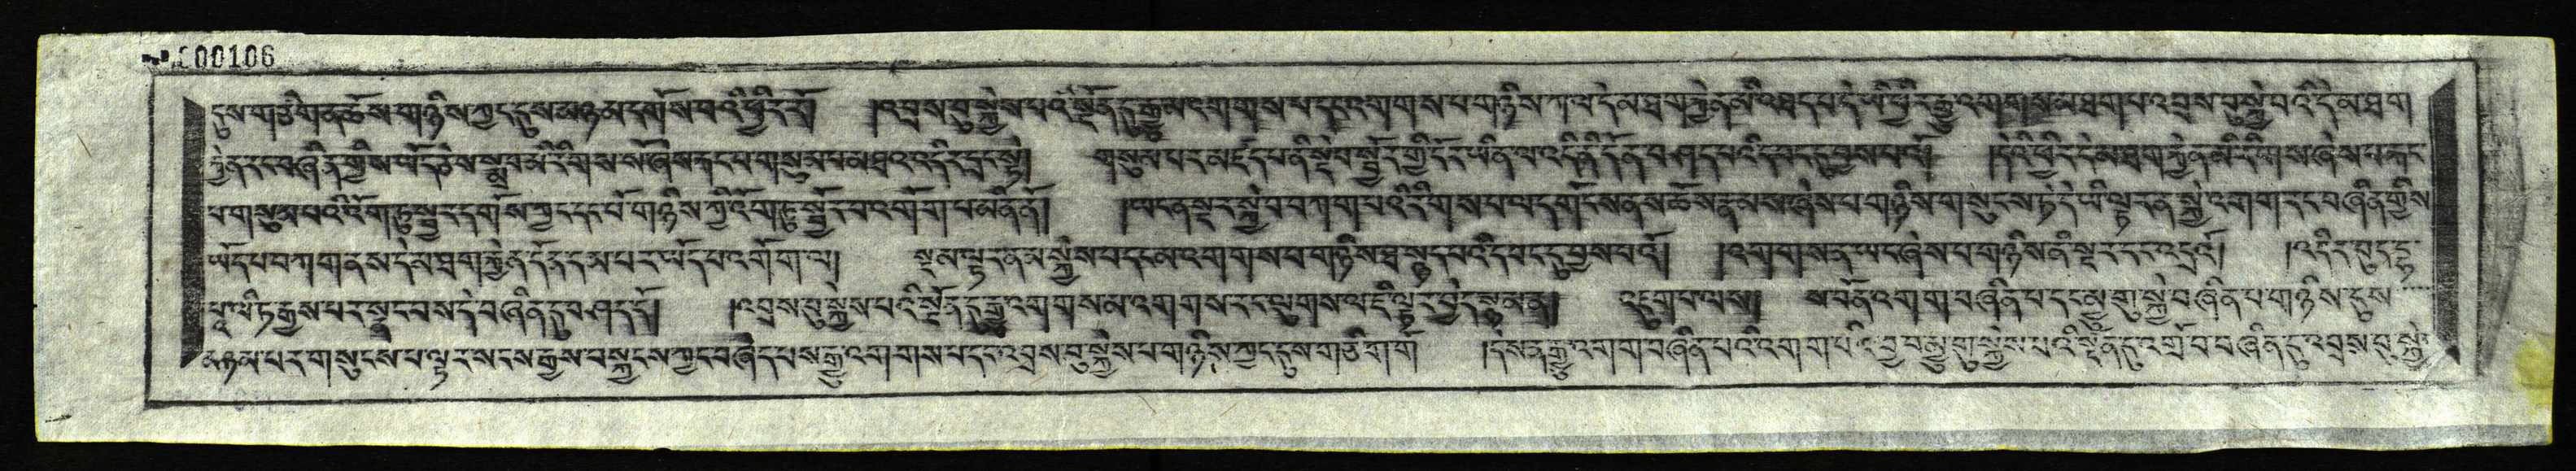དུས་གཅིག་ན་ཆོས་གཉིས་ཀྱང་དུས་མཉམ་དགོས་པའི་ཕྱིར་རོ། །འབྲས་བུ་སྐྱེས་པའི་སྔོན་དུ་རྒྱུ་མ་འགགས་པ་དང་འགགས་པ་གཉིས་ཀ་ལ་དེ་མ་ཐག་རྐྱེན་མི་འཐད་པ་དེ་ཡི་ཕྱིར་རྒྱུ་འགགས་མ་ཐག་པ་འབྲས་བུ་སྐྱེ་བའི་དེ་མ་ཐག་
རྐྱེན་རང་བཞིན་གྱིས་ཡོད་ཅེས་སྨྲ་བ་མི་རིགས་སོ་ཞེས་རྐང་པ་གསུམ་པ་མཐའ་འདིར་དྲང་སྟེ། གསུམ་པར་མཛད་པ་ནི་སྡེབ་སྦྱོར་གྱི་ངོར་ཡིན་ལ་འདི་ནི་དོན་བཤད་པའི་དབང་དུ་བྱས་པའོ། །དེའི་ཕྱིར་དེ་མ་ཐག་རྐྱེན་མི་རིགས་ཞེས་པ་རྐང་
ཕ༹པ་གསུམ་པའི་འོག་ཏུ་སྦྱར་དགོས་ཀྱང་དང་པོ་གཉིས་ཀྱི་འོག་ཏུ་སྦྱོར་བ་འགོག་པ་མིན་ནོ། །ཡང་ན་སྔར་སྐྱེ་བ་བཀག་པའི་རིགས་པ་ལ་དགོངས་ནས་ཆོས་རྣམས་ཞེས་པ་གཉིས་གསུངས་ཏེ་དེ་ཡི་ལྟར་ན་སྐྱེ་འགག་རང་བཞིན་གྱིས་
ཕ༹ྱོད་པ་བཀག་ནས་དེ་མ་ཐག་རྐྱེན་དོན་དམ་པར་ཡོད་པ་འགོག་ལ། སྔ་མ་ལྟར་ན་མ་སྐྱེས་པ་དང་མ་འགགས་པ་གཉིས་ཐ་སྙད་པའི་དབང་དུ་བྱས་པའོ། །འགགས་ན་ཡང་ཞེས་པ་གཉིས་ནི་སྔར་དང་འདྲའོ། །འདིར་བུད་དྷ་
ཕ༹པཱ་ལི་ཏ་རྒྱས་པར་སྣང་པས་དེ་བཞིན་དུ་བཤད་དོ། །འབྲས་བུ་སྐྱེས་པའི་སྔོན་དུ་རྒྱུ་འགགས་མ་འགགས་རང་ལུགས་ལ་ཇི་ལྟར་བྱེད་སྙམ་ན། འཇུག་པ་ལས། ས་བོན་འགག་བཞིན་པ་དང་མྱུ་གུ་སྐྱེ་བཞིན་པ་གཉིས་དུས་
མཉམ་པར་གསུངས་པ་ལྟར་སངས་རྒྱས་བསྐྱངས་ཀྱང་བཞེད་པས་རྒྱུ་འགགས་པ་དང་འབྲས་བུ་སྐྱེས་པ་གཉིས་ཀྱང་དུས་གཅིག་གོ །དེས་ན་རྒྱུ་འགག་བཞིན་པའི་འགག་པའི་བྱ་བ་མྱུ་གུ་སྐྱེས་པའི་སྔོན་དུ་འགྲོ་བ་བཞིན་དུ་འབྲས་བུ་སྐྱེས་